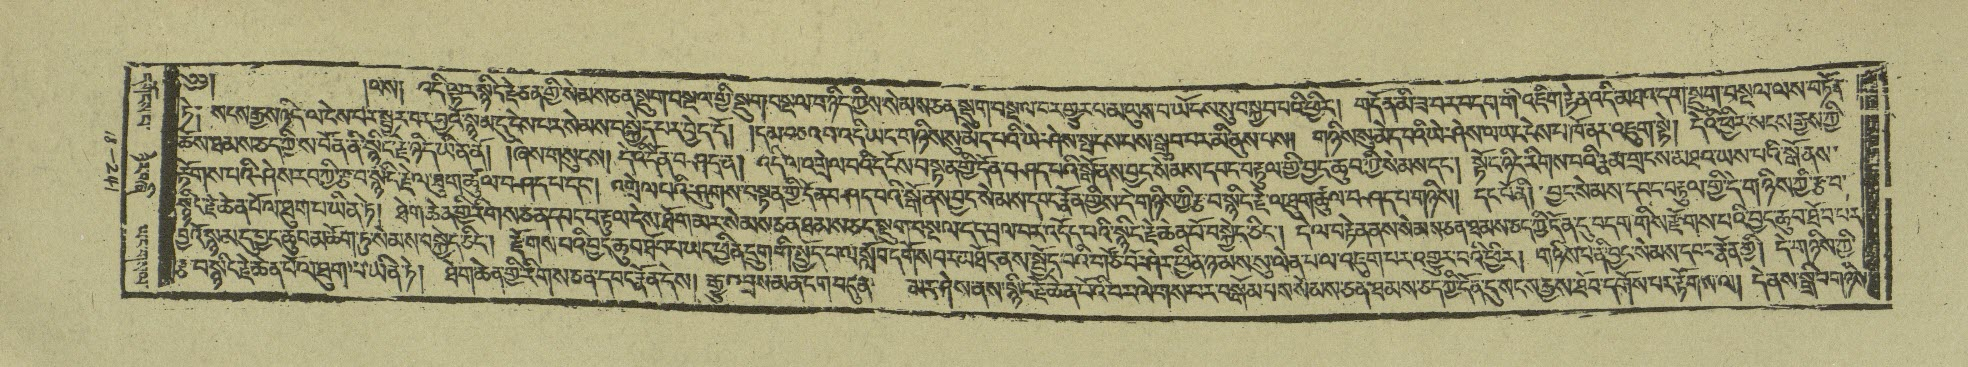༄༅། །ལས། འདི་ལྟར་སྙིང་རྗེ་ཅན་གྱི་སེམས་ཅན་སྡུག་བསྔལ་གྱི་སྡུག་བསྔལ་བ་ཉིད་ཀྱིས་སེམས་ཅན་སྡུག་བསྔལ་བར་གྱུར་བ་མ་ལུས་པ་ཡོངས་སུ་བསྐྱབ་པའི་ཕྱིར། གདོན་མི་ཟ་བར་བདག་གི་འཇིག་རྟེན་འདི་མཐའ་དག་སྡུག་བསྔལ་ལས་བཏེན་
ཏེ། སངས་རྒྱས་ཉིད་ལ་ངེས་པར་སྦྱར་བར་བྱའོ་སྙམ་དུ་ངེས་པར་སེམས་བསྐྱེད་པར་བྱེད་དོ། །དམ་བཅའ་བ་འདི་ཡང་གཉིས་སུ་མེད་པའི་ཡེ་ཤེས་སྤངས་པས་སྒྲུབ་པར་མི་ནུས་པས། གཉིས་སུ་མེད་པའི་ཡེ་ཤེས་ལ་ཡང་ངེས་པ་ཁོ་ནར་འཇུག་སྟེ། དེའི་ཕྱིར་སངས་རྒྱས་ཀྱི་
ཆོས་ཐམས་ཅད་ཀྱི་ས་བོན་ནི་སྙིང་རྗེ་ཉིད་ཡིན་ནོ། །ཞེས་གསུངས། དེའི་དོན་བཤད་ན། འདི་ལ་འགྲེལ་པའི་དངོས་བསྟན་གྱི་དོན་བཤད་པའི་སྒོ་ནས་བྱང་སེམས་དབང་བརྟུལ་གྱི་བྱང་ཆུབ་ཀྱི་སེམས་དང་། སྟོང་ཉིད་རིགས་པའི་རྣམ་གྲངས་མཐའ་ཡས་པའི་སྒོ་ནས་
རྟོགས་པའི་ཤེས་རབ་ཀྱི་རྩ་བ་སྙིང་རྗེ་ལ་ཐུག་ཚུལ་བཤད་པ་དང་། འགྲེལ་པའི་ཤུགས་བསྟན་གྱི་དོན་བཤད་པའི་སྒོ་ནས་བྱང་སེམས་དབང་རྣོན་གྱིས་དེ་གཉིས་ཀྱི་རྩ་བ་སྙིང་རྗེ་ལ་ཐུག་ཚུལ་བཤད་པ་གཉིས། དང་པོ་ནི། བྱང་སེམས་དབང་བརྟུལ་གྱི་དེ་གཉིས་ཀྱི་རྩ་བ་
སྙིང་རྗེ་ཆེན་པོ་ལ་ཐུག་པ་ཡིན་ཏེ། ཐེག་ཆེན་གྱི་རིགས་ཅན་དབང་བརྟུལ་དེས་ཐོག་མར་སེམས་ཅན་ཐམས་ཅད་སྡུག་བསྔལ་དང་བྲལ་བར་འདོད་པའི་སྙིང་རྗེ་ཆེན་པོ་བསྐྱེད་ཅིང་། དེ་ལ་བརྟེན་ནས་སེམས་ཅན་ཐམས་ཅད་ཀྱི་དོན་དུ་བདག་གིས་རྫོགས་པའི་བྱང་ཆུབ་ཐོབ་པར་
བྱའོ་སྙམ་དུ་བྱང་ཆུབ་མཆོག་ཏུ་སེམས་བསྐྱེད་ཅིང་། རྫོགས་པའི་བྱང་ཆུབ་ཐོབ་པ་ཡང་ཕྱིན་དྲུག་གི་སྤྱོད་པ་ལ་སློབ་དགོས་པར་མཐོང་ནས་སྤྱོད་པའི་གཙོ་བོ་ཤེར་ཕྱིན་ཉམས་སུ་ལེན་པ་ལ་འཇུག་པར་འགྱུར་བའི་ཕྱིར། གཉིས་པ་ནི་བྱང་སེམས་དབང་རྣོན་གྱི། དེ་གཉིས་ཀྱི་
རྩ་བ་སྙིང་རྗེ་ཆེན་པོ་ལ་ཐུག་པ་ཡིན་ཏེ། ཐེག་ཆེན་གྱི་རིགས་ཅན་དབང་རྣོན་དེས། རྒྱུ་འབྲས་མན་ངག་བདུན་གྱིས་མར་ཤེས་ནས་སྙིང་རྗེ་ཆེན་པོའི་བར་ལེགས་པར་བསྒོམ་པས་སེམས་ཅན་ཐམས་ཅད་ཀྱི་དོན་དུ་སངས་རྒྱས་ཐོབ་དགོས་པར་རྟོགས་ལ། དེ་ནས་སྒྲིབ་གཉིས་